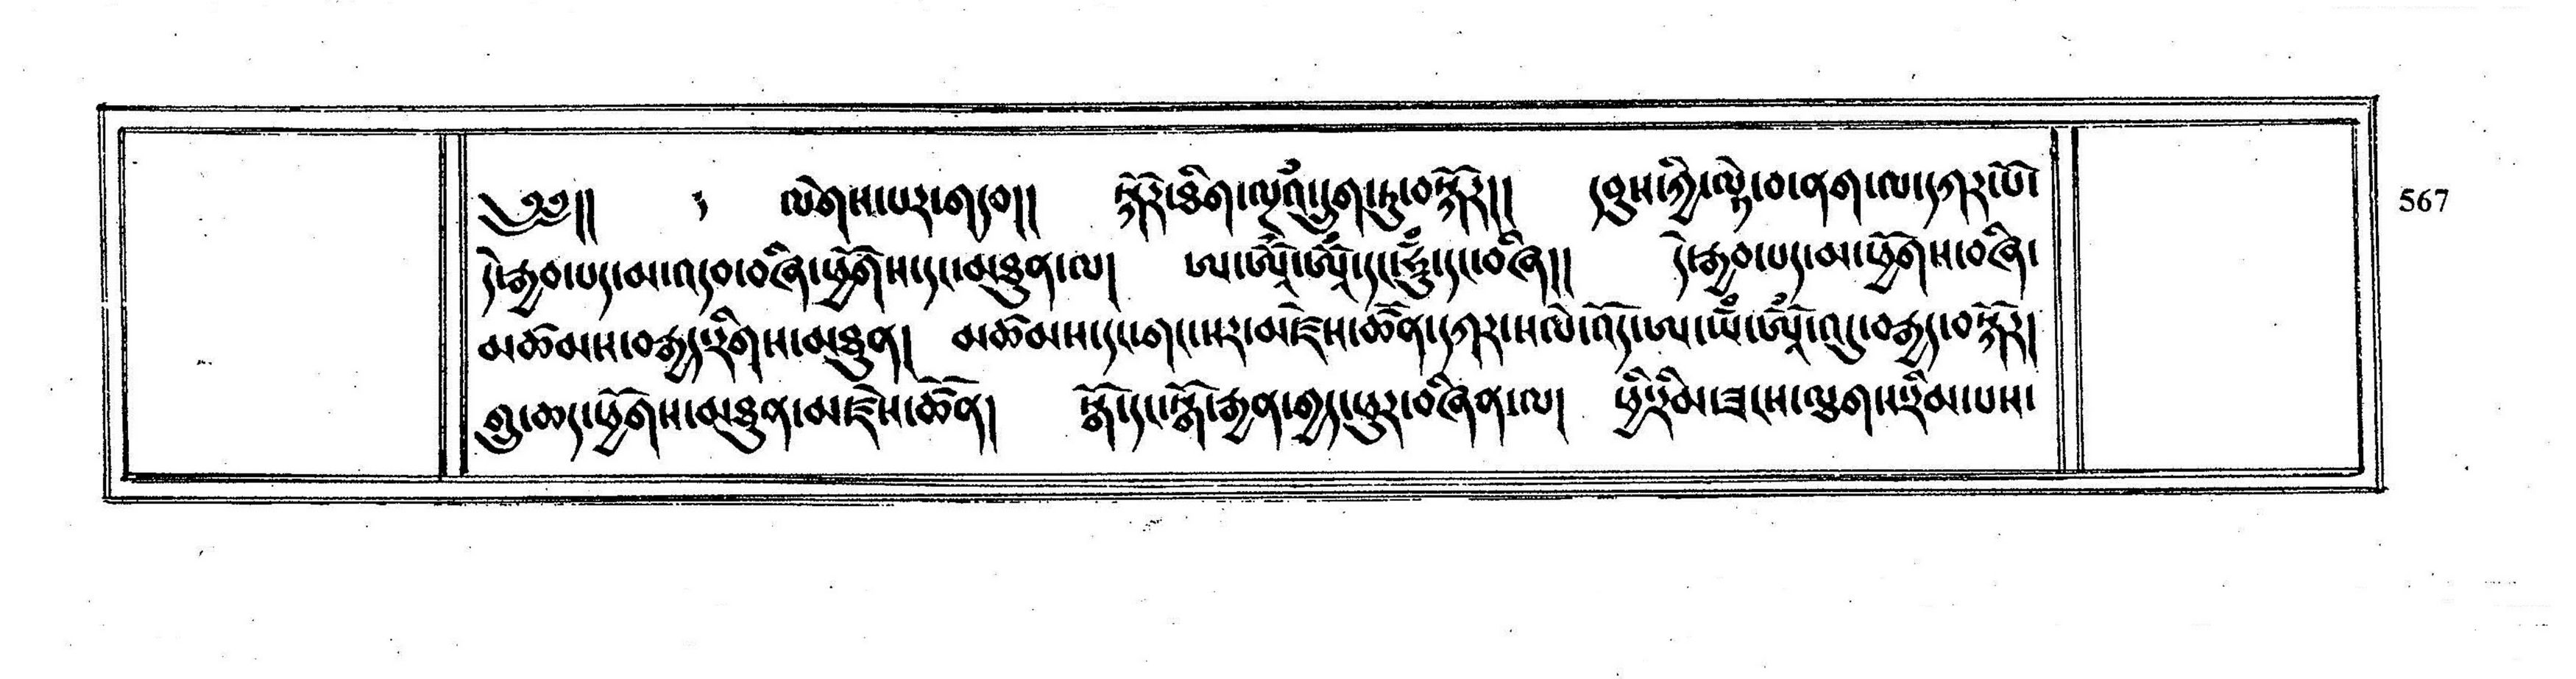ལེགས་པར་གདབ།། སྐོར་ཐིག་ལྔའམ་དྲུག་ཏུ་བསྐོར།། དབུས་ཀྱི་ལྟེ་བ་ནག་ལ་དཀར་པོ། 
དེ་རྒྱབ་པད་མ་འདབ་བཞི་ཕྱོགས་དང་མཐུན་ལ། ཨ་ཨཱོཾ་ཨཱོཾ་དང་ཧཱུྃ་དང་བཞི།། དེ་རྒྱབ་པད་མ་ཕྱོགས་བཞི་
མཚམས་བརྒྱད་རིགས་མཐུན། མཚམས་དང་གང་སར་མཛེས་ཚོན། དཀར་སལེ་འོད་ཨ་ཡྃ་ཨཱོཾ་འདུ་བརྒྱད་བསྐོར། 
གྲུ་ཆད་ཕྱོགས་མཐུན་མཛེས་ཚོན། སྒོ་དང་སྒོ་རྒྱན་གྱད་ཕུར་བཞིན་ལ། ཕྱི་རིམ་ཟངས་ལྕགས་རིམ་པས་